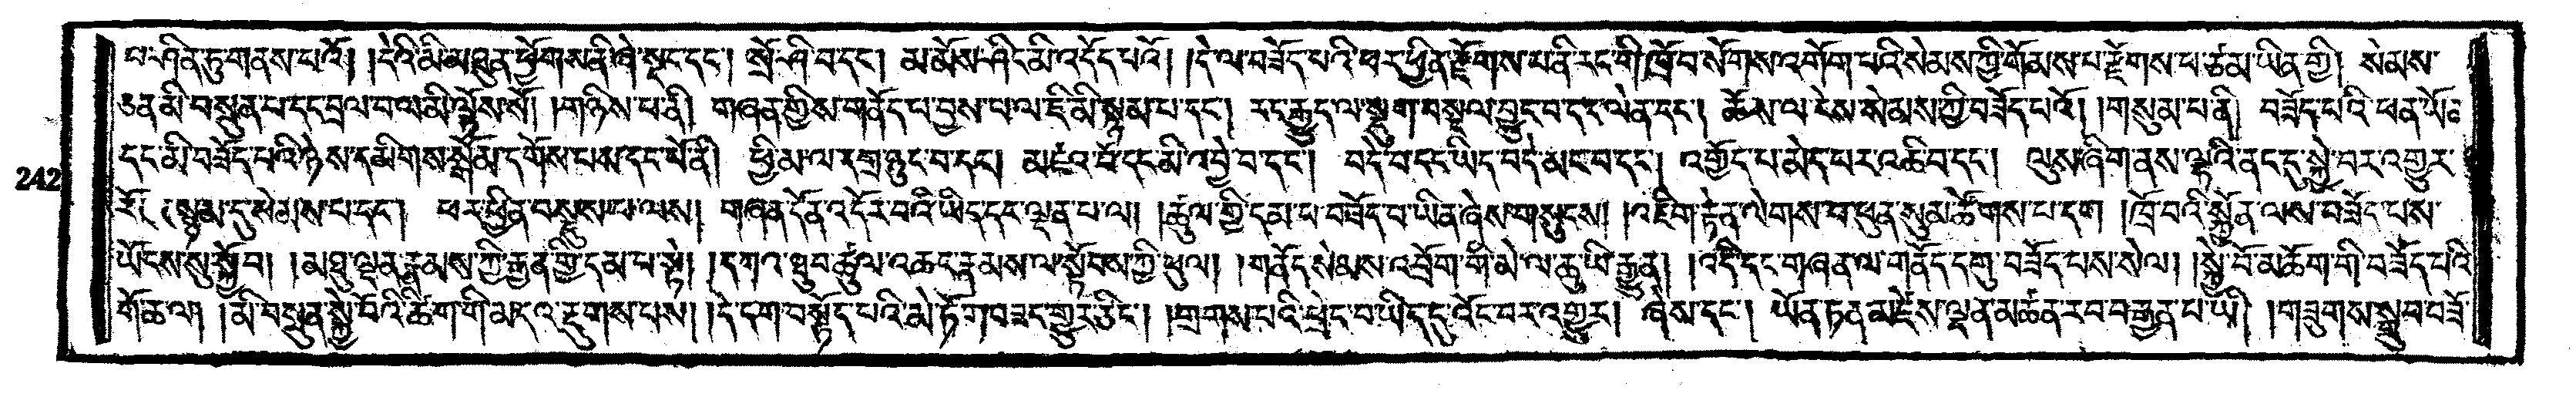པ་ཤིན་ཏུ་གནས་པའོ། །དེའི་མི་མཐུན་ཕྱོགས་ནི་ཞེ་སྡང་དང་། སྲོ་ཤི་བ་དང་། མ་མོས་ཤིང་མི་འདོད་པའོ། །དེ་ལ་བཟོད་པའི་ཕར་ཕྱིན་རྫོགས་མ་ནི་རང་གི་ཁྲོ་བ་སོགས་འགོག་པའི་སེམས་ཀྱི་གོམས་པ་རྫོགས་པ་ཙམ་ཡིན་གྱི། སེམས་
ཅན་མི་བསྲུན་པ་དང་བྲལ་བ་ལ་མི་ལྟོས་སོ། །གཉིས་པ་ནི། གཞན་གྱིས་གནོད་པ་བྱས་པ་ལ་ཇི་མི་སྙམ་པ་དང་། རང་རྒྱུད་ལ་སྡུག་བསྔལ་བྱུང་བ་དར་ལེན་དང་། ཆོས་ལ་ངེས་སེམས་ཀྱི་བཟོད་པའོ། །གསུམ་པ་ནི། བཟོད་པའི་ཕན་ཡོཿ
དང་མི་བཟོད་པའི་ཉེས་དམིགས་སྒོམ་དགོས་པས་དང་པོ་ནི། ཕྱི་མ་ལ་དགྲ་ཉུང་བ་དང་། མཛའ་བོ་དང་མི་འབྱེད་བ་དང་། བདེ་བ་དང་ཡིད་བདེ་མང་བ་དང་། འགྱོད་པ་མེད་པར་འཆི་བ་དང་། ལུས་ཞིག་ནས་ལྷའི་ནང་དུ་སྐྱེ་བར་འགྱུར་
རོ༑ ༑སྙམ་དུ་སེམས་པ་དང་། ཕར་ཕྱིན་བསྡུས་པ་ལས། གཞན་དོན་འདོར་བའི་ཡིད་དང་ལྡན་པ་ལ། །ཚུལ་གྱི་དམ་པ་བཟོད་པ་ཡིན་ཞེས་གསུངས། །འཇིག་རྟེན་ལེགས་བ་ཕུན་སུམ་ཚོགས་པ་དག །ཁྲོ་བའི་སྐྱོན་ལས་བཟོད་པས་
ཡོངས་སུ་སྐྱོབ། །མཐུ་ལྡན་རྣམས་ཀྱི་རྒྱན་གྱི་དམ་པ་སྟེ། །དཀའ་ཐུབ་ཚུལ་འཆང་རྣམས་ལ་སྟོབས་ཀྱི་ཕུལ། །གནོད་སེམས་འབྲོག་གི་མེ་ལ་ཆུ་ཡི་རྒྱུན། །འདི་དང་གཞན་ལ་གནོད་དགུ་བཟོད་པས་སེལ། །སྐྱེ་བོ་མཆོག་གི་བཟོད་པའི་
གོ་ཆ་ལ། །མི་བསྲུན་སྐྱེ་བོའི་ཚིག་གི་མདའ་རྡུགས་པས། །དེ་དག་བསྟོད་པའི་མེ་ཏོག་བཟང་གྱུར་ཅིང་། །གྲགས་པའི་ཕྲེང་བ་ཡིད་དུ་འོང་བར་འགྱུར། ཞེས་དང་། ཡོན་ཏན་མཛེས་ལྡན་མཚན་རབ་བརྒྱན་པ་ཡི། །གཟུགས་སྒྲུབ་བཟོ་